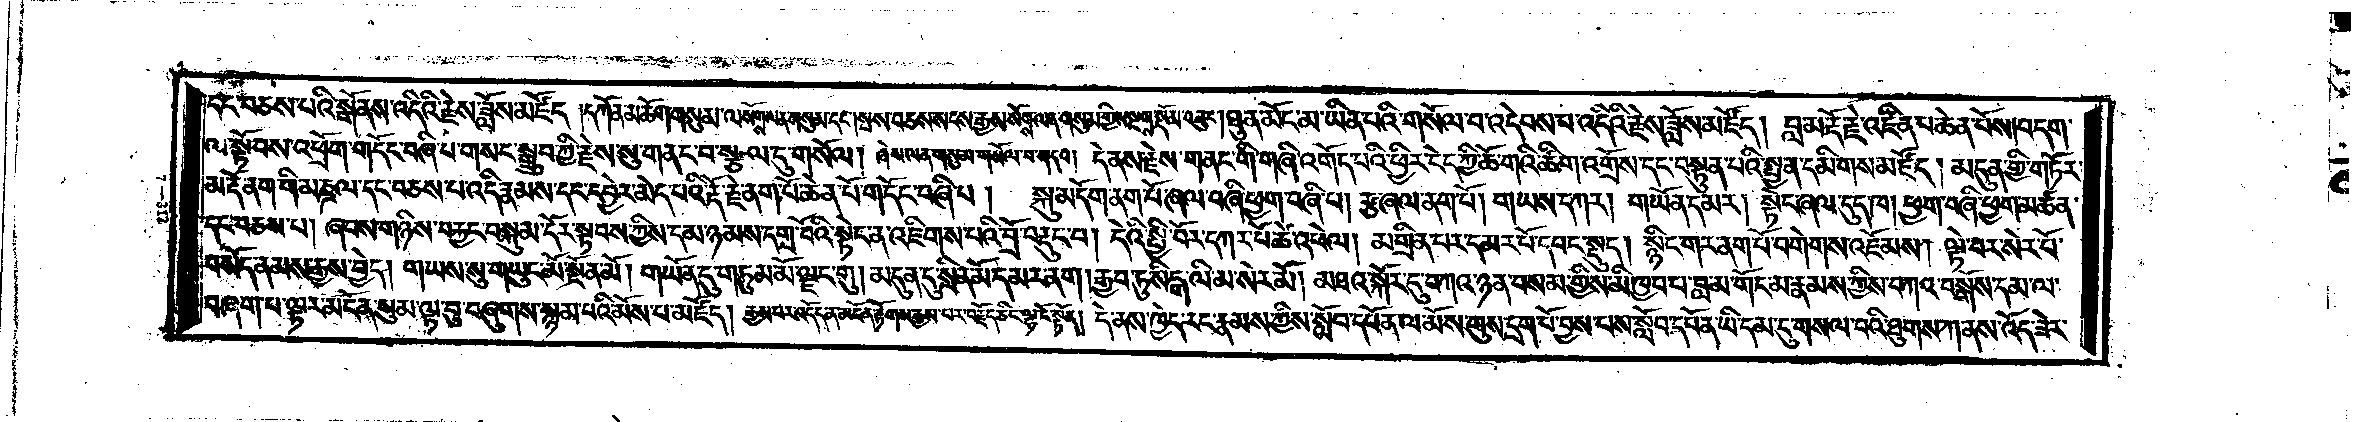དང་བཅས་པའི་སྒོ་ནས་འདིའི་རྗེས་ཟློས་མཛོད། །དཀོན་མཆོག་གསུམ་ལ་སོགས་ལན་གསུམ་དང་། སྲས་བཅས་སངས་རྒྱས་སོགས་ལན་གསུམ་གྱིས་སྔགས་སྡོམ་བཟུང་།  ཐུན་མོང་མ་ཡིན་པའི་གསོལ་བ་འདེབས་པ་འདིའི་རྗེས་ཟློས་མཛོད། བླ་མ་རྡོ་རྗེ་འཛིན་པ་ཆེན་པོས། བདག་
ལ་སྟོབས་འཕྲོག་གདོང་བཞི་པ་གསང་སྒྲུབ་ཀྱི་རྗེས་སུ་གནང་པ་སྩལ་དུ་གསོལ། ཞེས་ལན་གསུམ་གསོལ་བ་གདབ།  དེ་ནས་རྗེས་གནང་གི་གཞི་འགོད་པའི་ཕྱིར་ངེད་ཀྱི་ཆོ་གའི་ཚིག་འགྲོས་དང་བསྟུན་པའི་སྤྱན་དམིགས་མཛོད། མདུན་གྱི་གཏོར་
མ་རྡོ་ནག་གི་མཎྜལ་དང་བཅས་པ་འདི་རྣམས་དང་དབྱེར་མེད་པའི་རྡོ་རྗེ་ནག་པོ་ཆེན་པོ་གདོང་བཞི་པ། སྐུ་མདོག་ནག་པོ་ཞལ་བཞི་ཕྱག་བཞི་པ། རྩ་ཞལ་ནག་པོ། གཡས་དཀར། གཡོན་དམར། སྟེང་ཞལ་དུད་ཁ། ཕྱག་བཞི་ཕྱག་མཚན་
དང་བཅས་པ། ཞབས་གཉིས་བརྐྱང་བསྐུམ་དོར་སྟབས་ཀྱིས་དམ་ཉམས་དགྲ་པོའི་སྟེང་ན་འཇིགས་པའི་བྲོ་བརྡུང་བ། དེའི་སྤྱི་བོར་དཀར་པོ་ཚེ་འཕེལ། མགྲིན་པར་དམར་པོ་དབང་སྡུད། སྙིང་གར་ནག་པོ་བགེགས་འཇོམས། ལྟེ་བར་སེར་པོ་
བསོད་ནམས་རྒྱས་བྱེད། གཡས་སུ་གཡུང་མོ་སྔོན་མོ། གཡོན་དུ་གཏུམ་མོ་ལྗང་གུ། མདུན་དུ་སྲིན་མོ་དམར་ནག །རྒྱབ་ཏུ་སིངྒ་ལི་མ་སེར་མོ། མཐའ་སྐོར་དུ་བཀའ་ཉན་བསམ་གྱིས་མི་ཁྱབ་པ་བླ་མ་གོང་མ་རྣམས་ཀྱིས་བཀའ་བསྒོས་དམ་ལ་
བཞག་པ་ལྟར་མངོན་སུམ་ལྟ་བུ་བཞུགས་སྙམ་པའི་མོས་པ་མཛོད། རྒྱས་པར་འདོད་ན་མངོན་རྟོགས་རྒྱས་པར་བརྗོད་ཅིང་ལྟ་ངོ་སྟོན།  དེ་ནས་ཁྱེད་རང་རྣམས་ཀྱིས་སློབ་དཔོན་ལ་མོས་གུས་དྲག་པོ་བྱས་པས་སློབ་དཔོན་ཡི་དམ་དུ་གསལ་བའི་ཐུགས་ཀ་ནས་འོད་ཟེར་